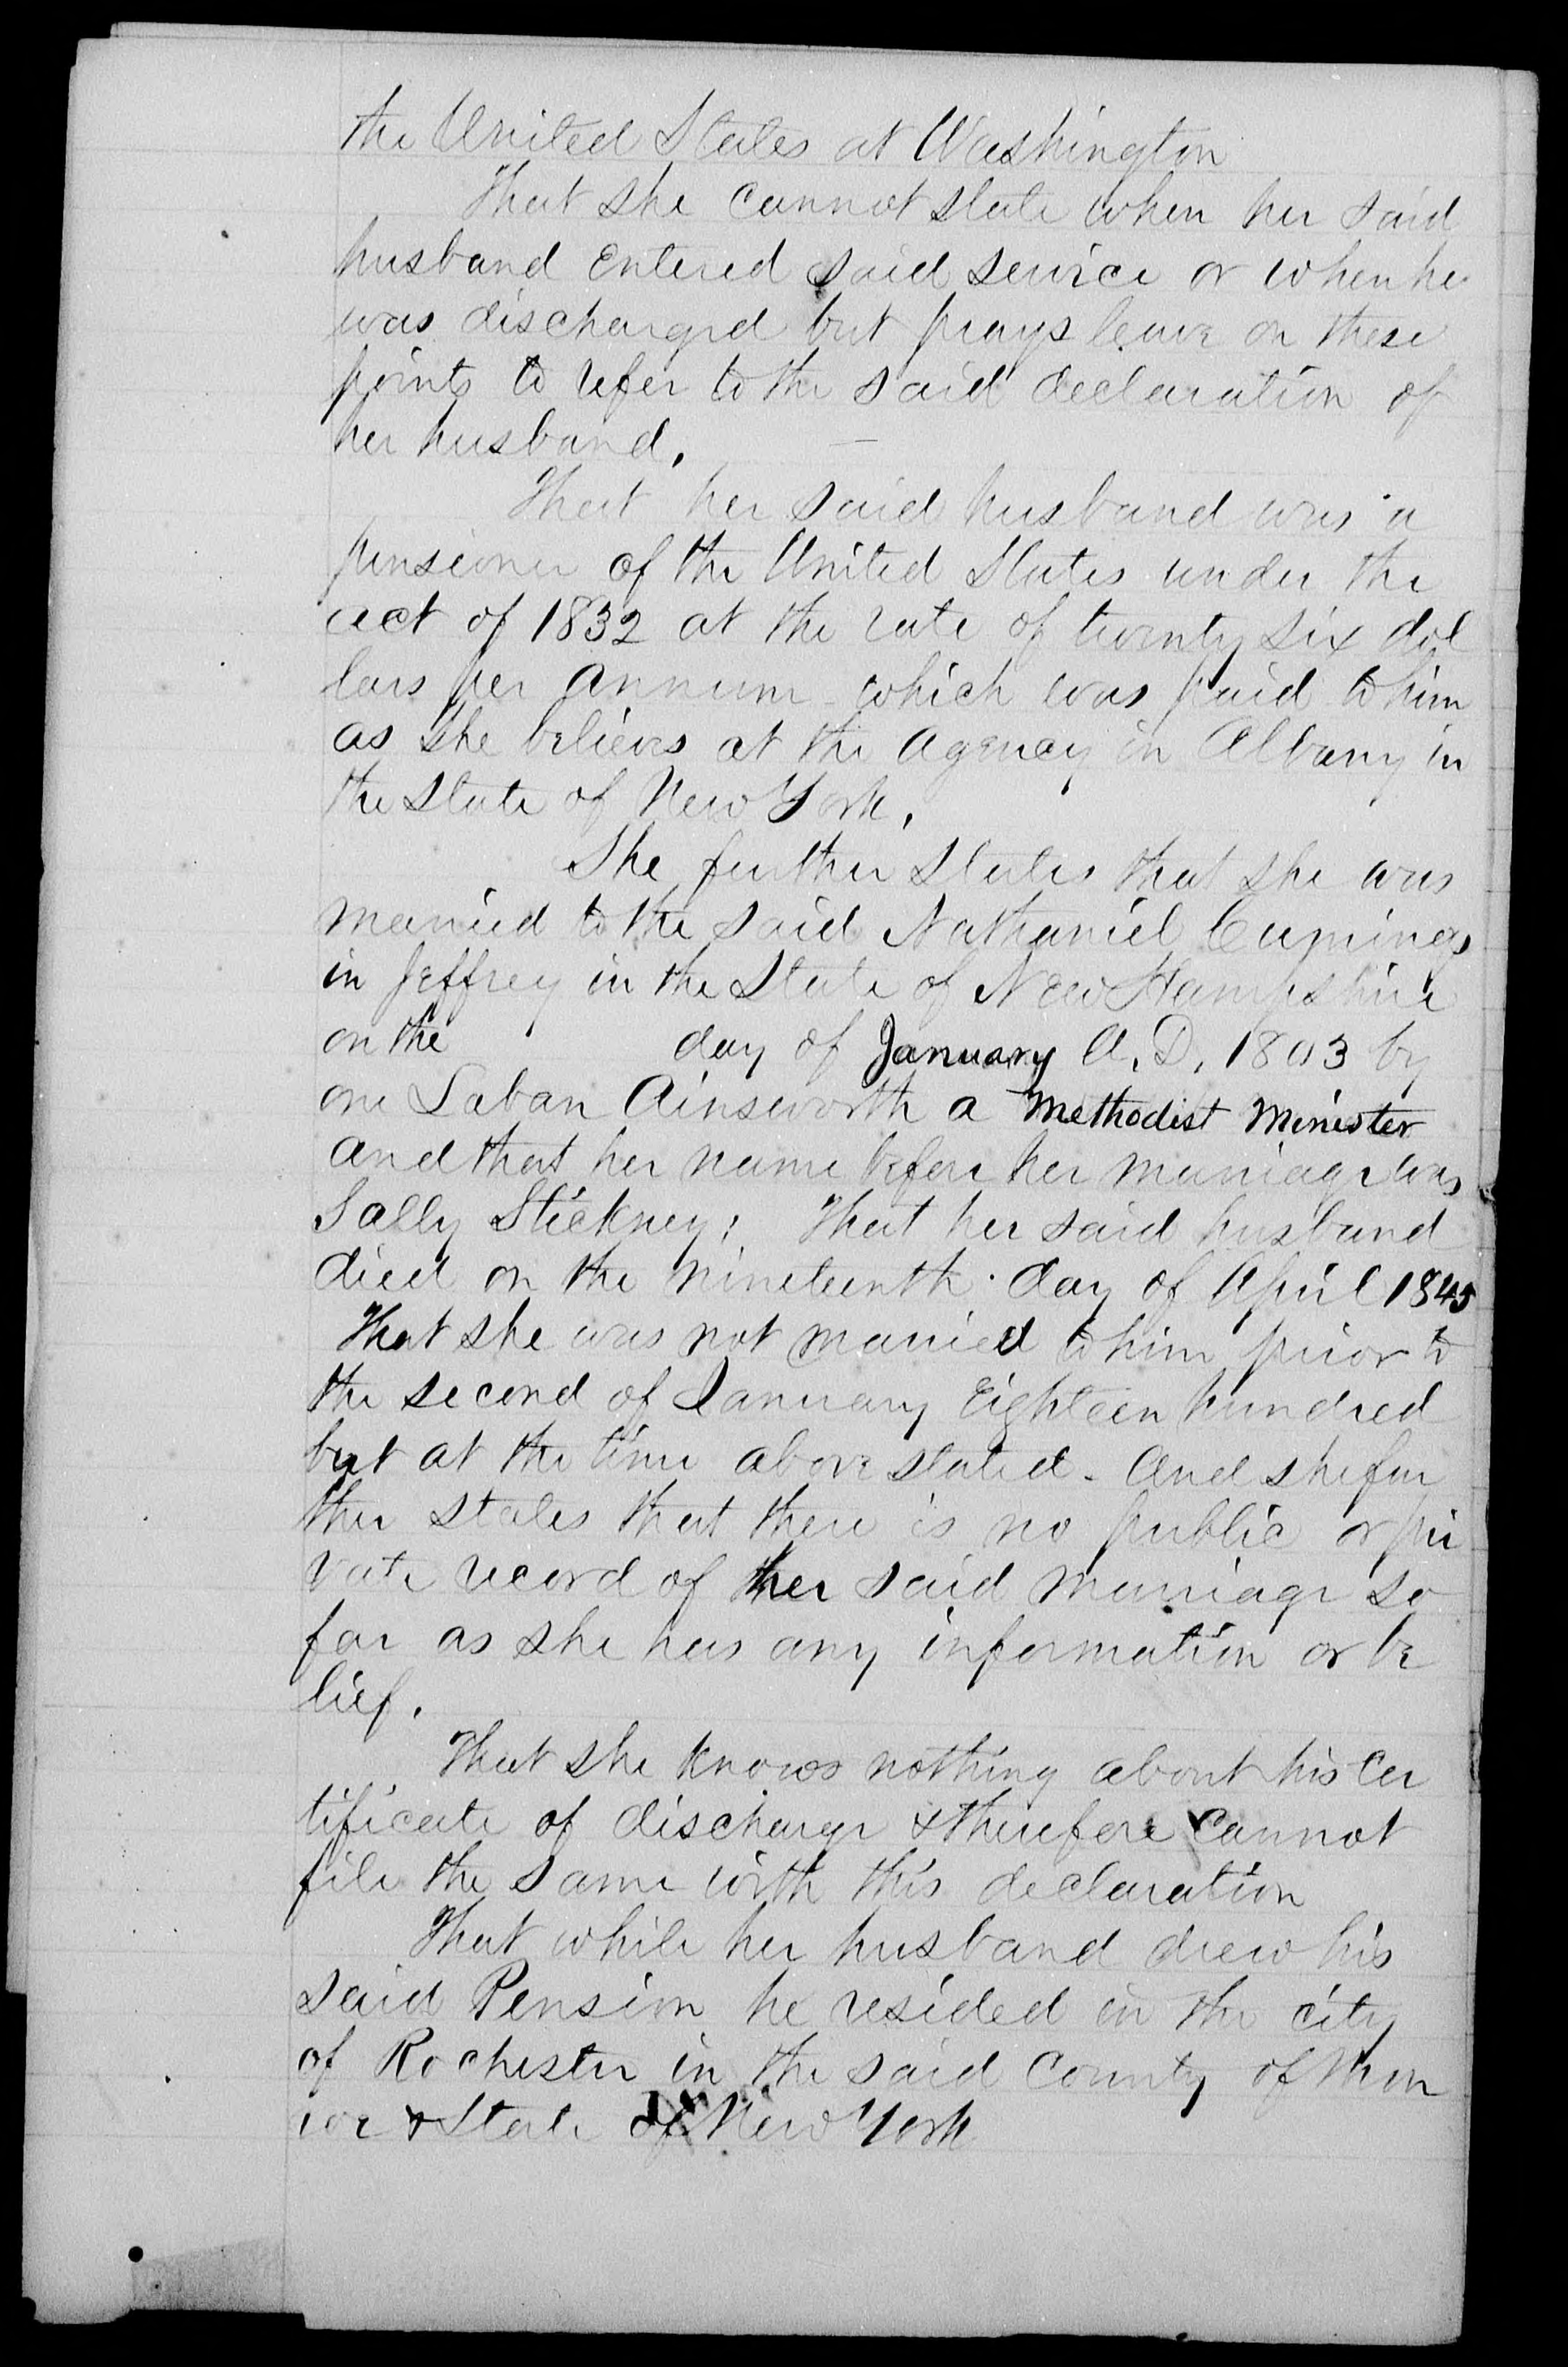The United States at Washington
That she cannot state when her said
husband entered said service or when he
was discharged but prays leave of these
points to refer to the said declaration of
her husband,
That her said husband was a
pensioner of the United States under the
act of 1832 at the rate of twenty-six dol
lars per annum which was paid to him
as she believes at the agency in Albany in
the State of New York,
she further states that she was
married to the said Nathaniel Cumings
in Jeffrey in the State of New Hampshire
on the
day of January A.D. 1843 by
one Laban Ainsworth a Methodist Minister
and that her name before her marriage was
Sally Stickney, that her said husband
died on the nineteenth day of April 1843
That she was not married to him prior to ┃
the second of January Eighteen hundred
but at the time above stated. And she further
states that there is no public or private
record of the said Marriage so
far as she has any information or belief
That she knows nothing about his Certificate
 of discharge & therefore cannot
file the same with this declaration
That while her husband drew his
said Pension he resided in the city of
Rochester in the said County of them
in & State of New York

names: Sally Stickney, Nathaniel Cumings, Laban Ainsworth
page: 18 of 41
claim: widow's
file: W. 9819, Nathaniel Cumings, Vt.